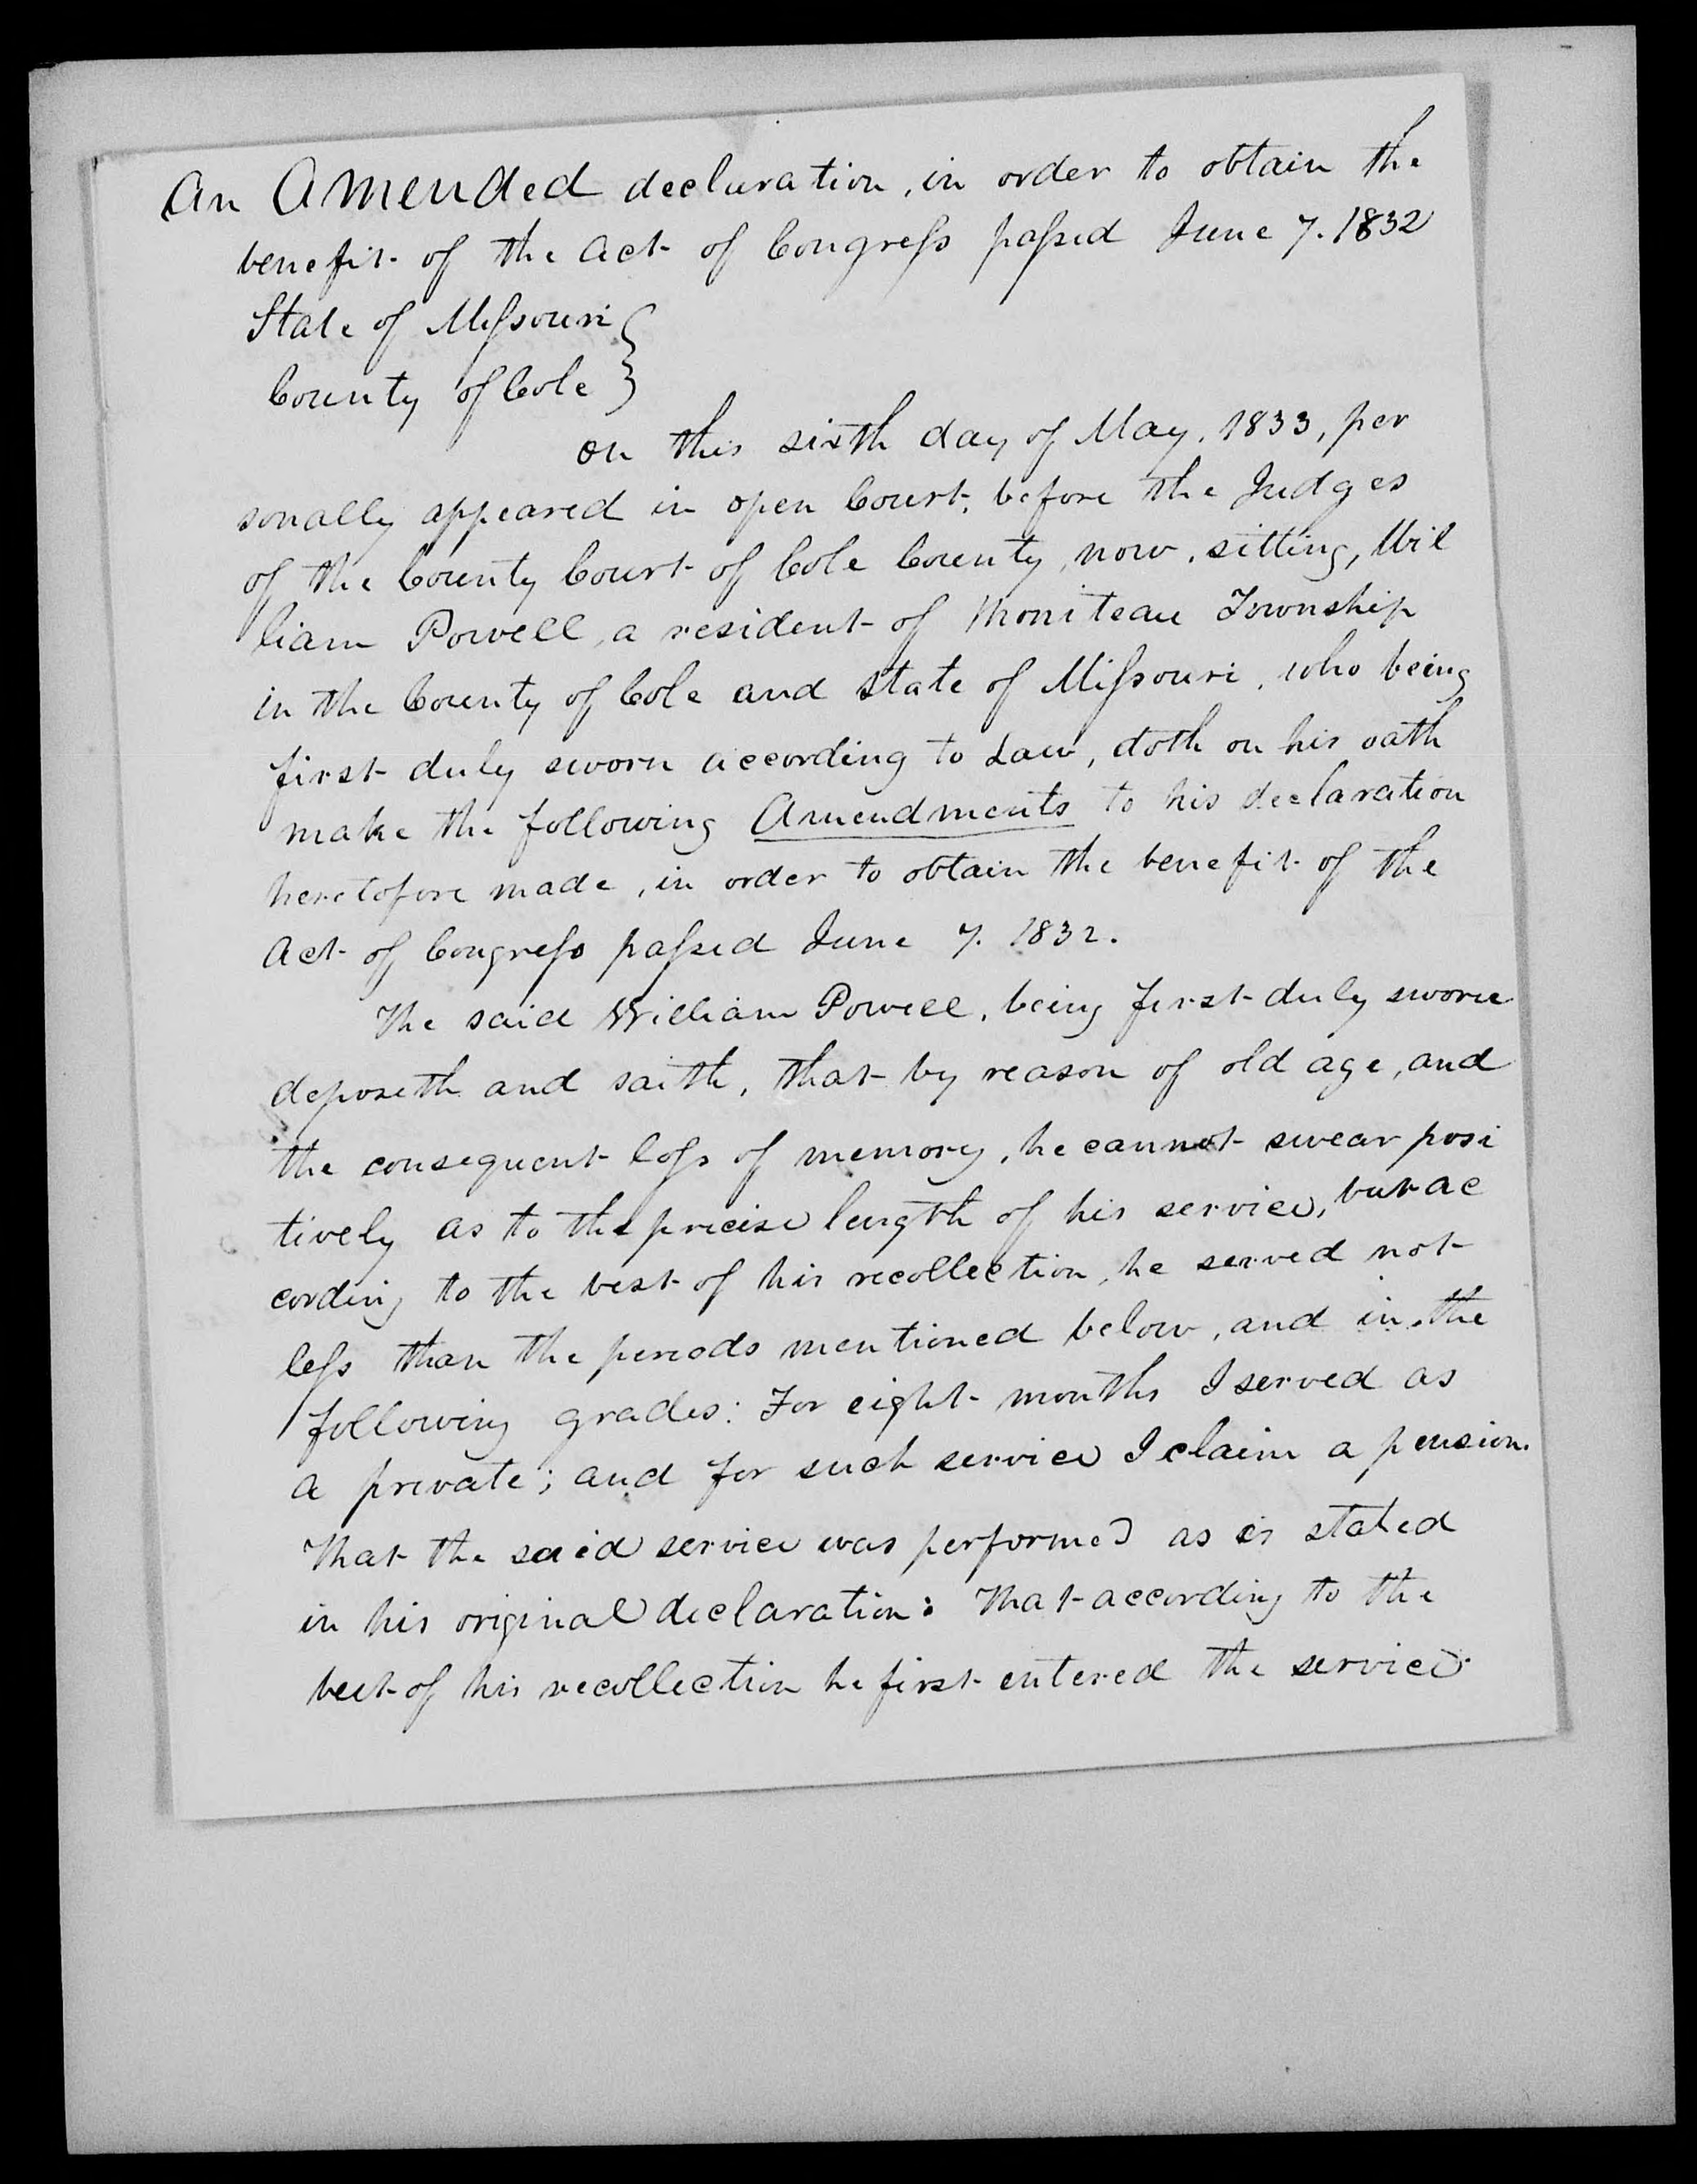An Amended declaration, in order to obtain the benefit of the Act of Congress
passed June 7. 1832
State of Missouri }
County of Cole }
on this sixth day of May, 1833, personally appeared in open Court before the Judges
of the County Court of Cole County, now, sitting, William Powell, a resident of Moniteau Township in the County of Cole and State of Missouri, who being first duly sworn according to Law, doth on his oath make the following Amendments to his declaration heretofore made, in order to obtain the benefit of the
Act of Congress passed June 7. 1832
The said William Powell, being first duly sworn
deposeth and saith, that by reason of old age, and the consequent loss of memory, he cannot swear positively as to the precise length of his service, but according to the best of his recollection, he served not less than the periods mentioned below, and in the
following grades: For eight months I served as a private; and for such service I claim a pension.
That the said service was performed as is stated in his original declaration: that according to the best of his recollection he first entered the service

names: William Powell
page: 14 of 19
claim: survivor's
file: S. 17022, for William Powell, North Carolina